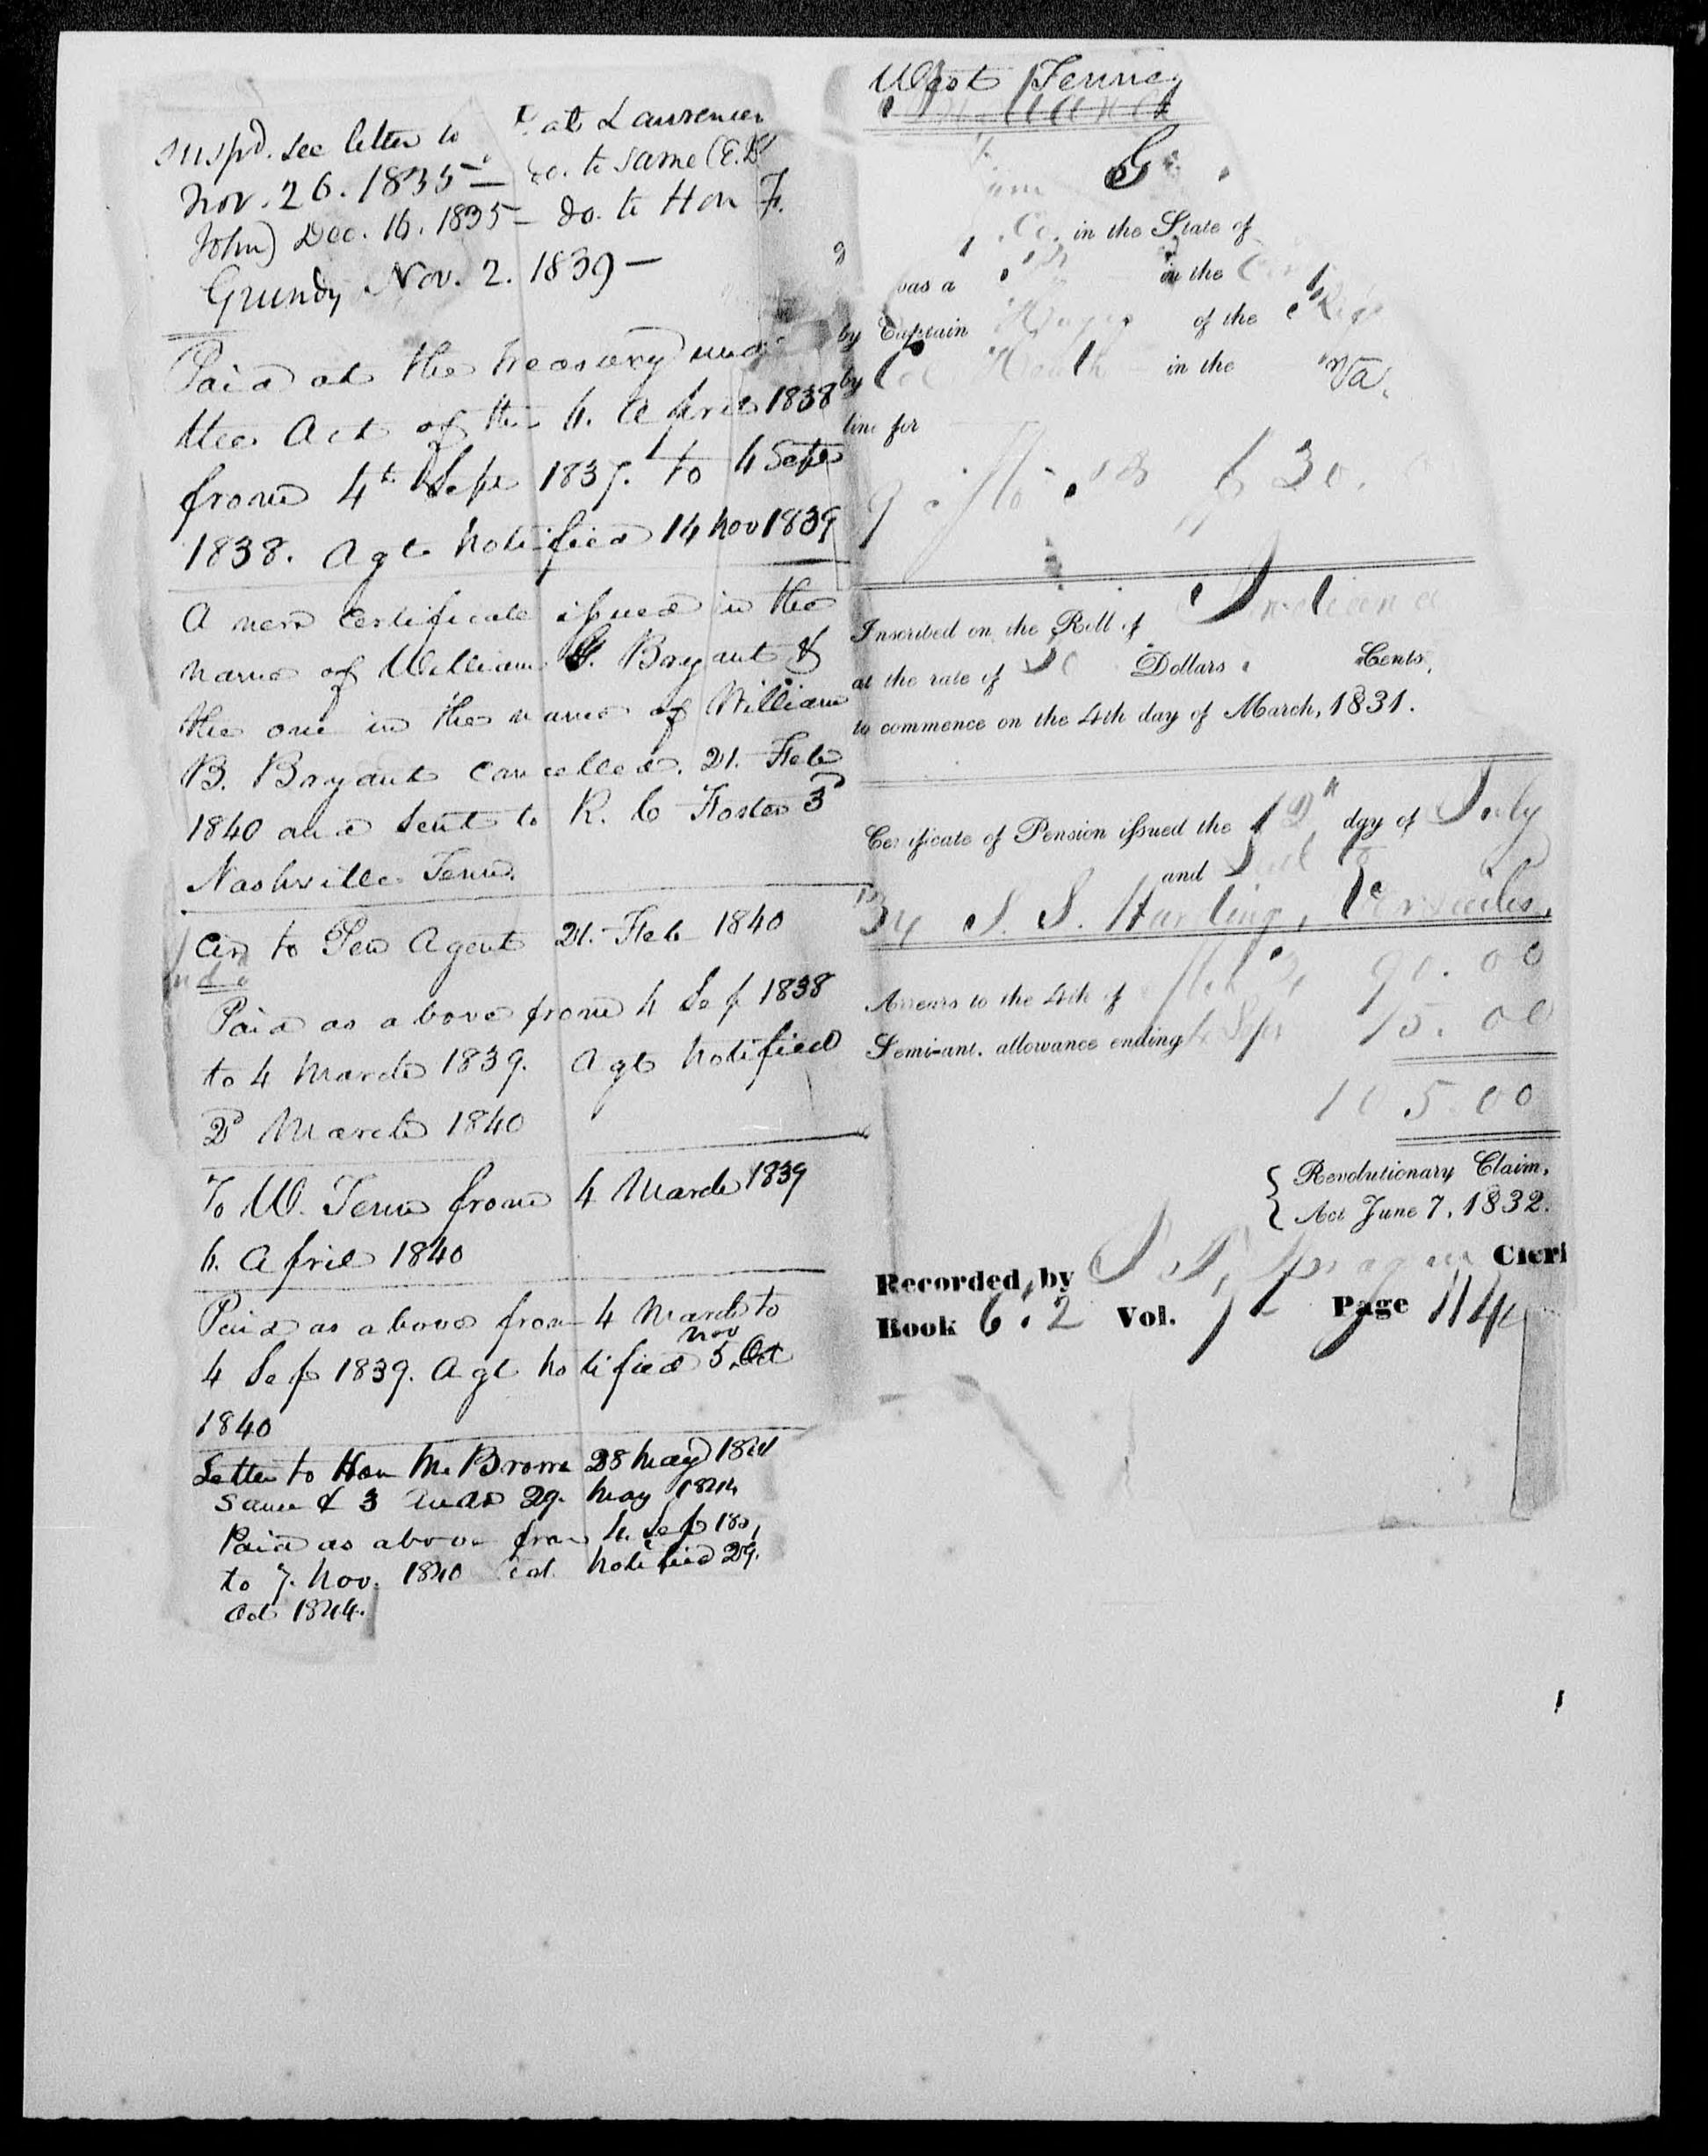Page 2
suspd. See letter to Pat Laurencer
Nov. 26. 1835 - do. to same (E.B
John) Dec. 16. 1835 - do to Hon F.
Grundy Nov. 2. 1839 -
 
Paid at the treasury under
the act of the 6. April 1838
from 4th Sept 1837 to 4 Sept 
1838. Agt notified 14 Nov 1839

A new certificate issued in the
name of William G. Bryant & this in the name of William B. Bryant cancelled. 21. Feb
1840 and sent to R. C Foster at
Nashville. Tenn.

[illegible] to Pew Agent 21. Feb 1840
Paid as above from 4 Sept 1838
to 4 March 1839. Agt notified 
2nd March 1840

To W. Tenn from 4 March 1839
6. April 1840

Paid as above from 4 March to 
4 Sept 1839. Agt notified 5 ^Nov Oct
1840

Letter to Hon Mc Brown 28 May1841 same & 3 [unknown] May 1824
Paid as above from 4. Sep 182(?) to 7. Nov. 1840 Agt. notified 29. Oct 1844.

West Tennessee

Wm G. Bryant (assumed)

[paper torn away]

was a Private in the Company 
by Captain {unknown] of the Rig.
by Col. Heath in the Va.
line for 

Inscribed on the Roll of Indiana 
at the rate of 30 Dollars (blank) Cents,
to commence on the 4th day of March, 1834.

Certificate of Pension issued the 12th day of July and sent to (blank)
'34 S. S. Harding, Versailes (sic),

Arrears to the 4th of Mch  90.00
Semmi-anl. allowance ending 4 Sep 15.00

Total = 105.00

Revolutionary Claim,
Act June 7, 1832.

Recorded by J T Sprague Clerk
Book 6.2 Vol. 1 Page 114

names: E B John, Mc Brown, J T Sprague, F Grundy, S S Harding, Heath, William G Bryant, R C Foster, Hayes, William B Bryant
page: 2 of 31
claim: survivor's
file: S. 3049, William G Bryant, Va.